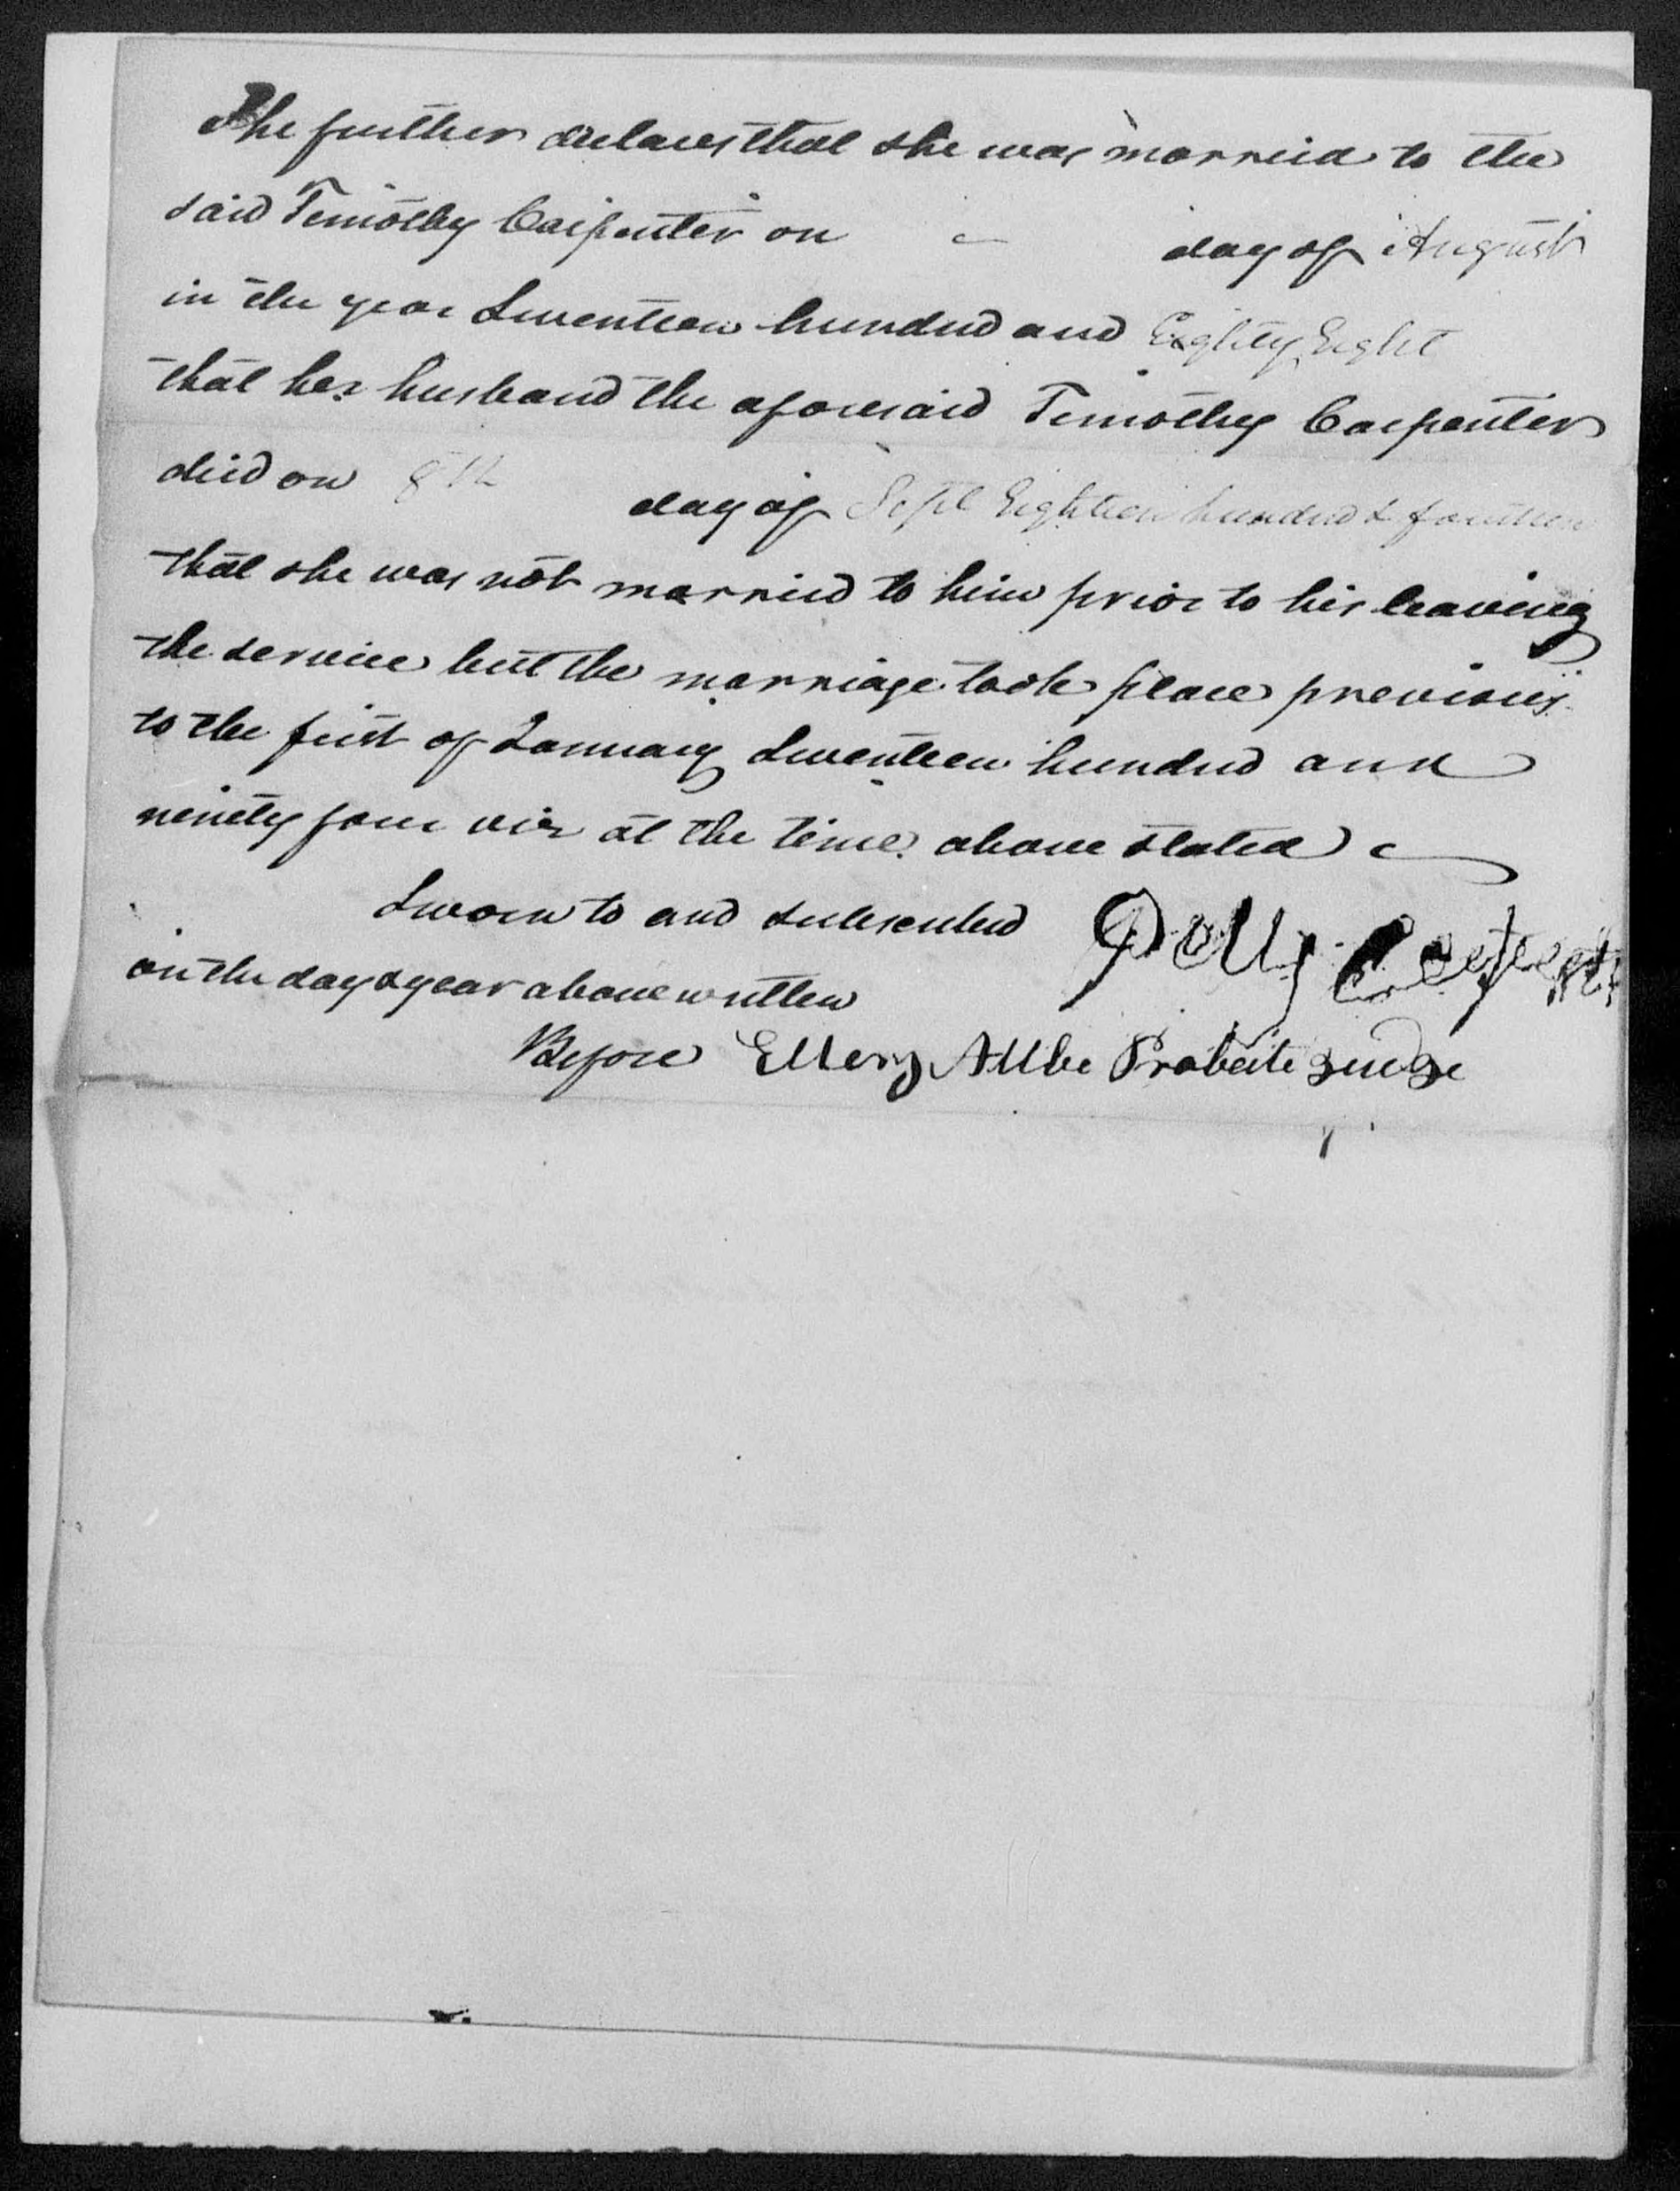She further delcares that she was married to the said Timothy Carpenter on ______ day of August in the year 1788, that her husband the aforesaid Timothy Carpenter died on Septmeber 8th, 1814 that she was not married to him prior to his leaving the service but the marriage took place previous to the first of January 1794 at the time above stated.

Sworn to and declared this day and year above written

Singed: Polly Carpenter

Before Ellery Allbe, Probate Judge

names: Ellery Allbe, Timothy Carpenter, Timothy Carpenter, Polly Carpenter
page: 4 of 41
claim: widow's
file: W. 15627, Timothy Carpenter, Vt.